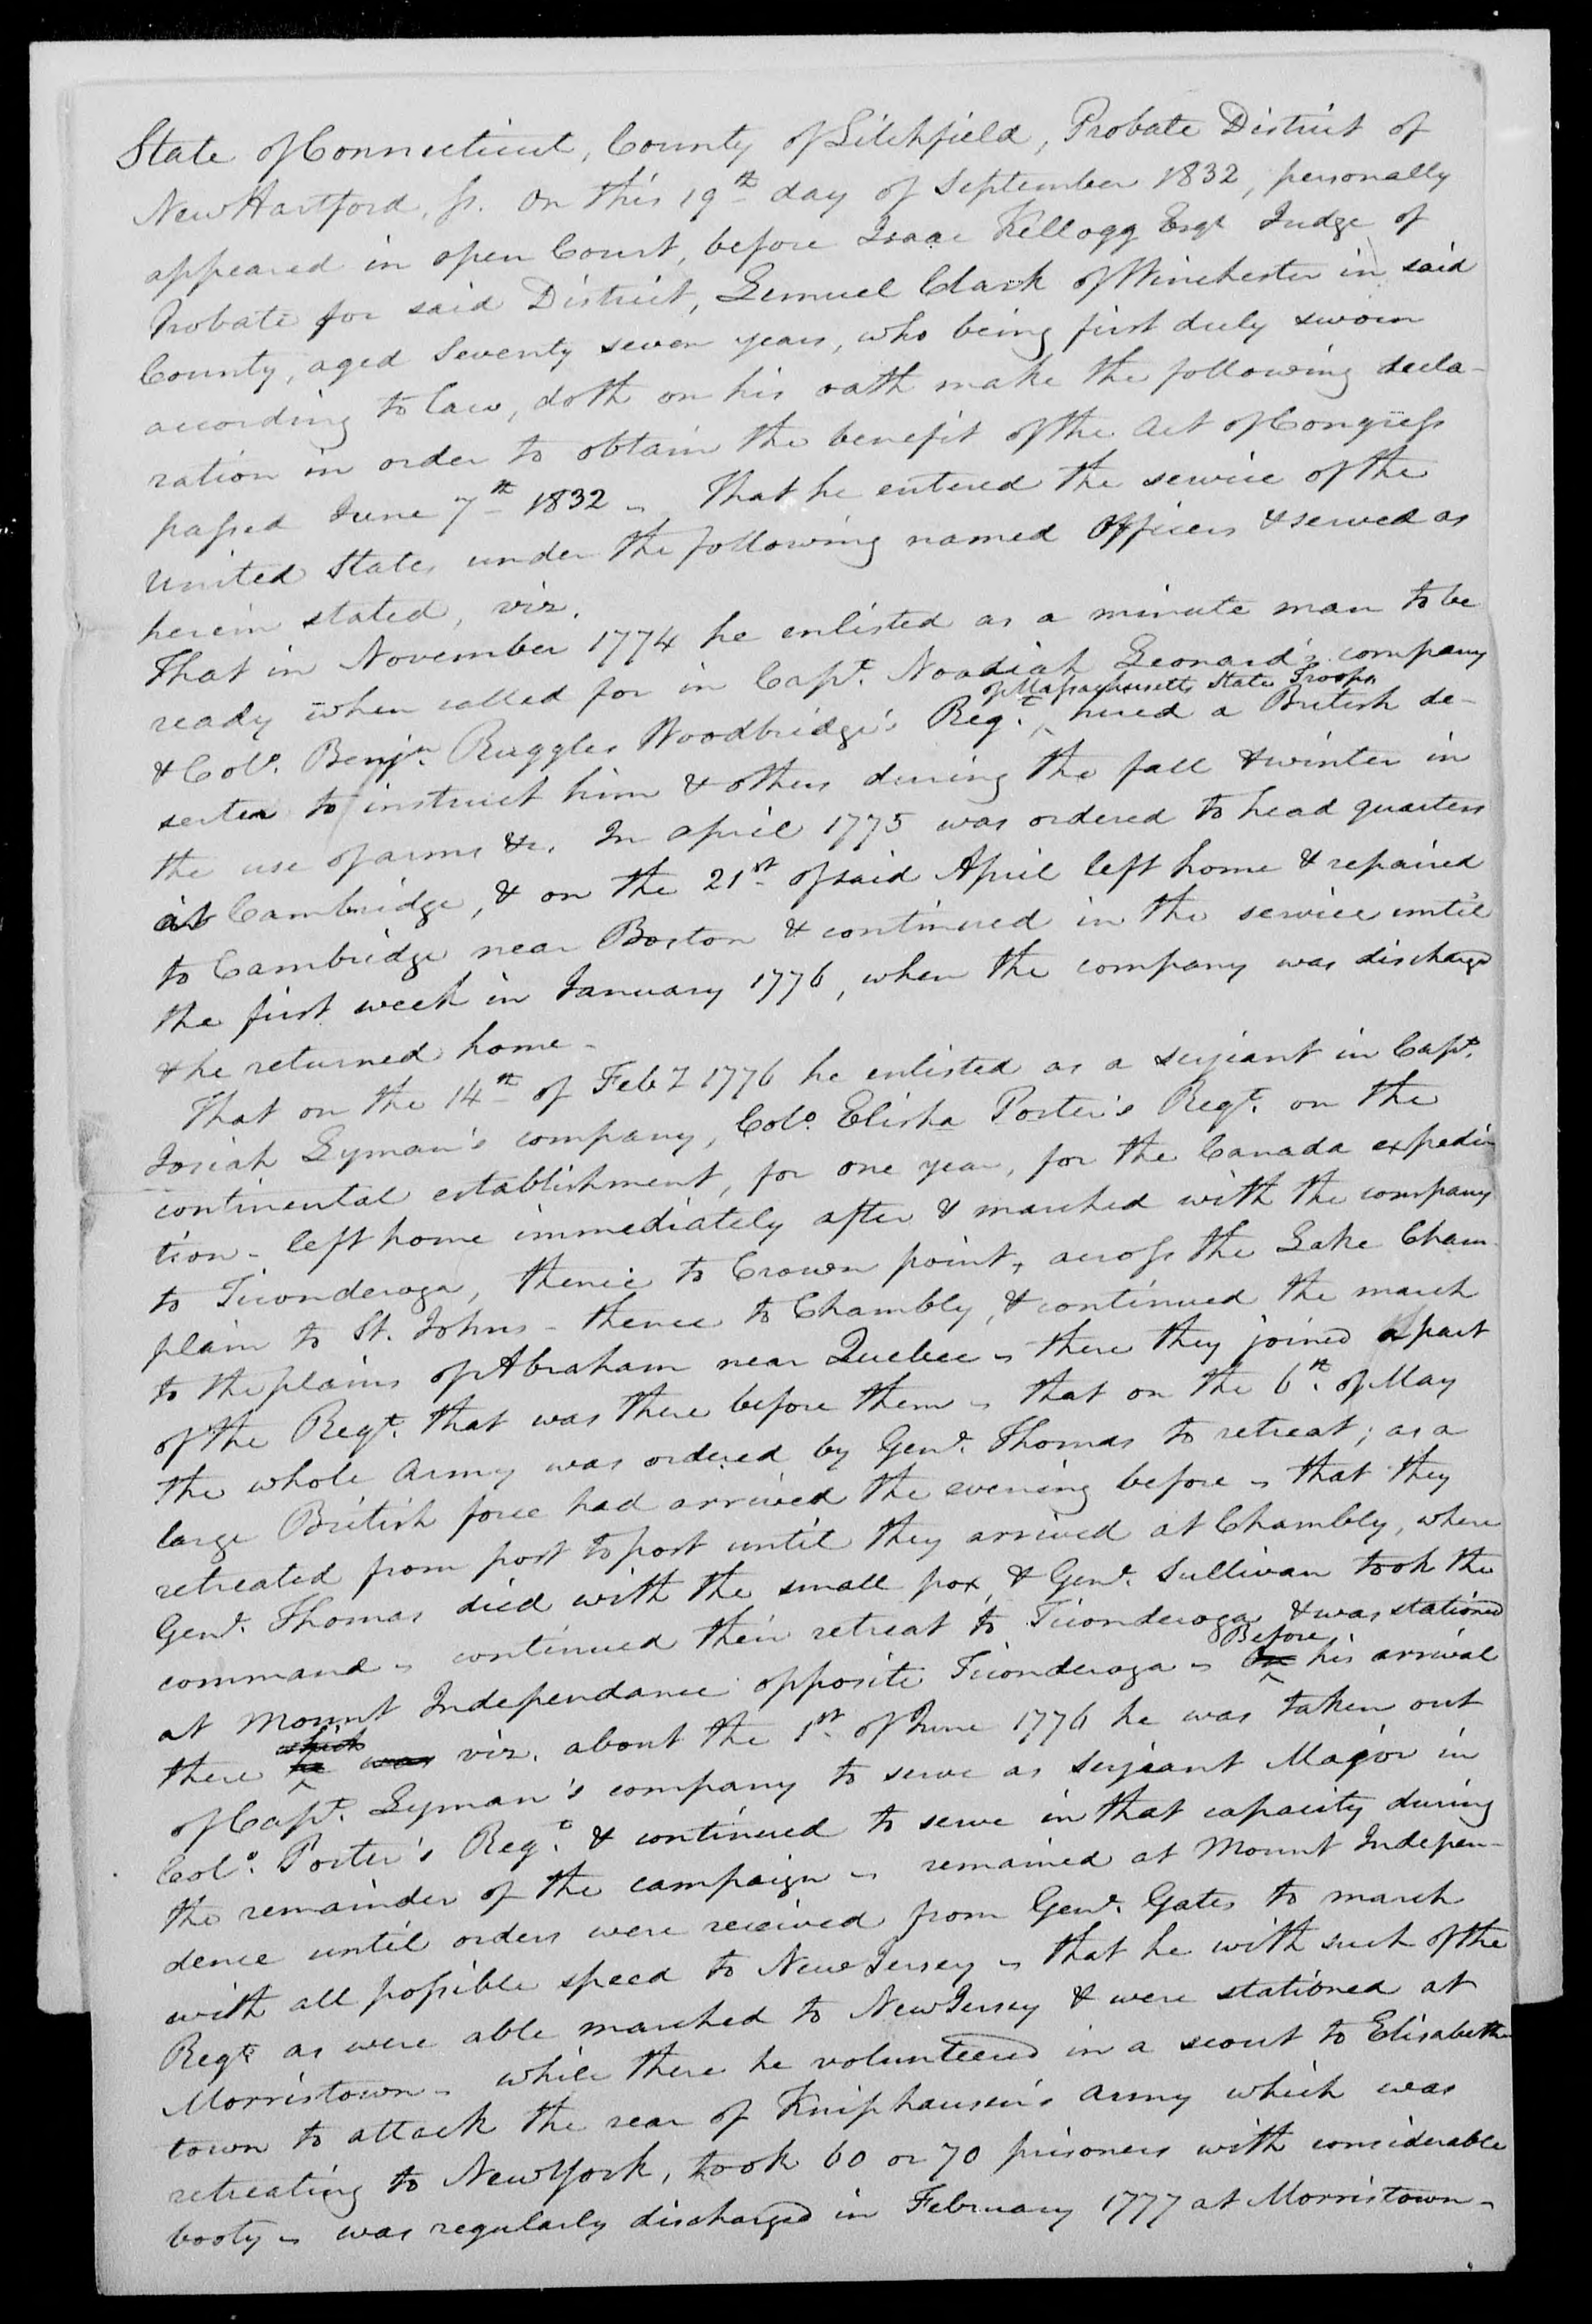State of Connecticut, County of Litchfield, Probate District of New Hartford ss. 

On this 19th day of September 1832, personally appeared in open Court, before Isaac Esqr Judge of Probate for said District, Lemuel Clark of Winchester in said County, aged Seventy seven years, who being first duly sworn according to law, doth on his oath make the following declaration in order to obtain the benefit of the Act of Congress passed June 7th 1832- That he entered the service of the United States under the following named officers & served as herein stated, viz

that in November 1775 he enlisted as a minute man to be ready when called for in Capt Noadiah Leonard's company & Col. Benjn Ruggles Woodbridge's Regt [inserted: Massachusetts State Troops] hired a British deserter to instruct him & others during the fall & winter in the use of arms &c. In April 1775 was ordered to head quarters at Cambridge, & on the 21st of said April left home & repaired to Cambridge near Boston & continued in the service until the first week in January 1776, when the company was discharged & he returned home 

that on the 14th of Feb 1776 he enlisted as a sergeant in Capt Josiah Lyman's company, Col Elisha Porter's Regt on the continental establishment, for one year, for the Canada expedition left home immediately after & marched with the company to Ticonderoga thence to Crown point, across the Lake Champlain to St. Johns, thence to Chambly, & continued the march to the plains of Abraham near Quebec-- there they joined a part of the Regt that was there before them-- that on the 6th of May the whole army was ordered by Genl Thomas to retreat; as a large British force had arrived the evening before - that they retreated from port to port until they arrived at Chambly, where Gent Thomas died with the small pox, & Genl Sullivan took the command -continued their retreat to Ticonderoga & was stationed at Mount Independance opposite Ticonderoga. [inserted: Before]  his arrival there viz. about the 1st of June 1776 he was taken out of Capt Lyman's company to serve as Sergeant Major in Col Porter's Reg. & continued to serve in that capacity during the remainder of the campaign - remained at Mount Independence until orders were received from Genl Gates to march with all possible speed to New Jersey- that he with such of the Regt as were able marched to New Jersey & were stationed at Morristown - while there he volunteered in a scout to Elisabethtown to attack the rear of Kniphausen's Army which was retreating to New York, took 60 or 70 prisoners with considerable booty - was regularly discharged in February 1777 at Morristown-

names: Abraham, Lemuel Clark, Sullivan, Thomas, Gates, Thomas, Isaac Kellogg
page: 5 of 48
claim: survivor's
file: S. 17343, Lemuel Clarke, Mass.